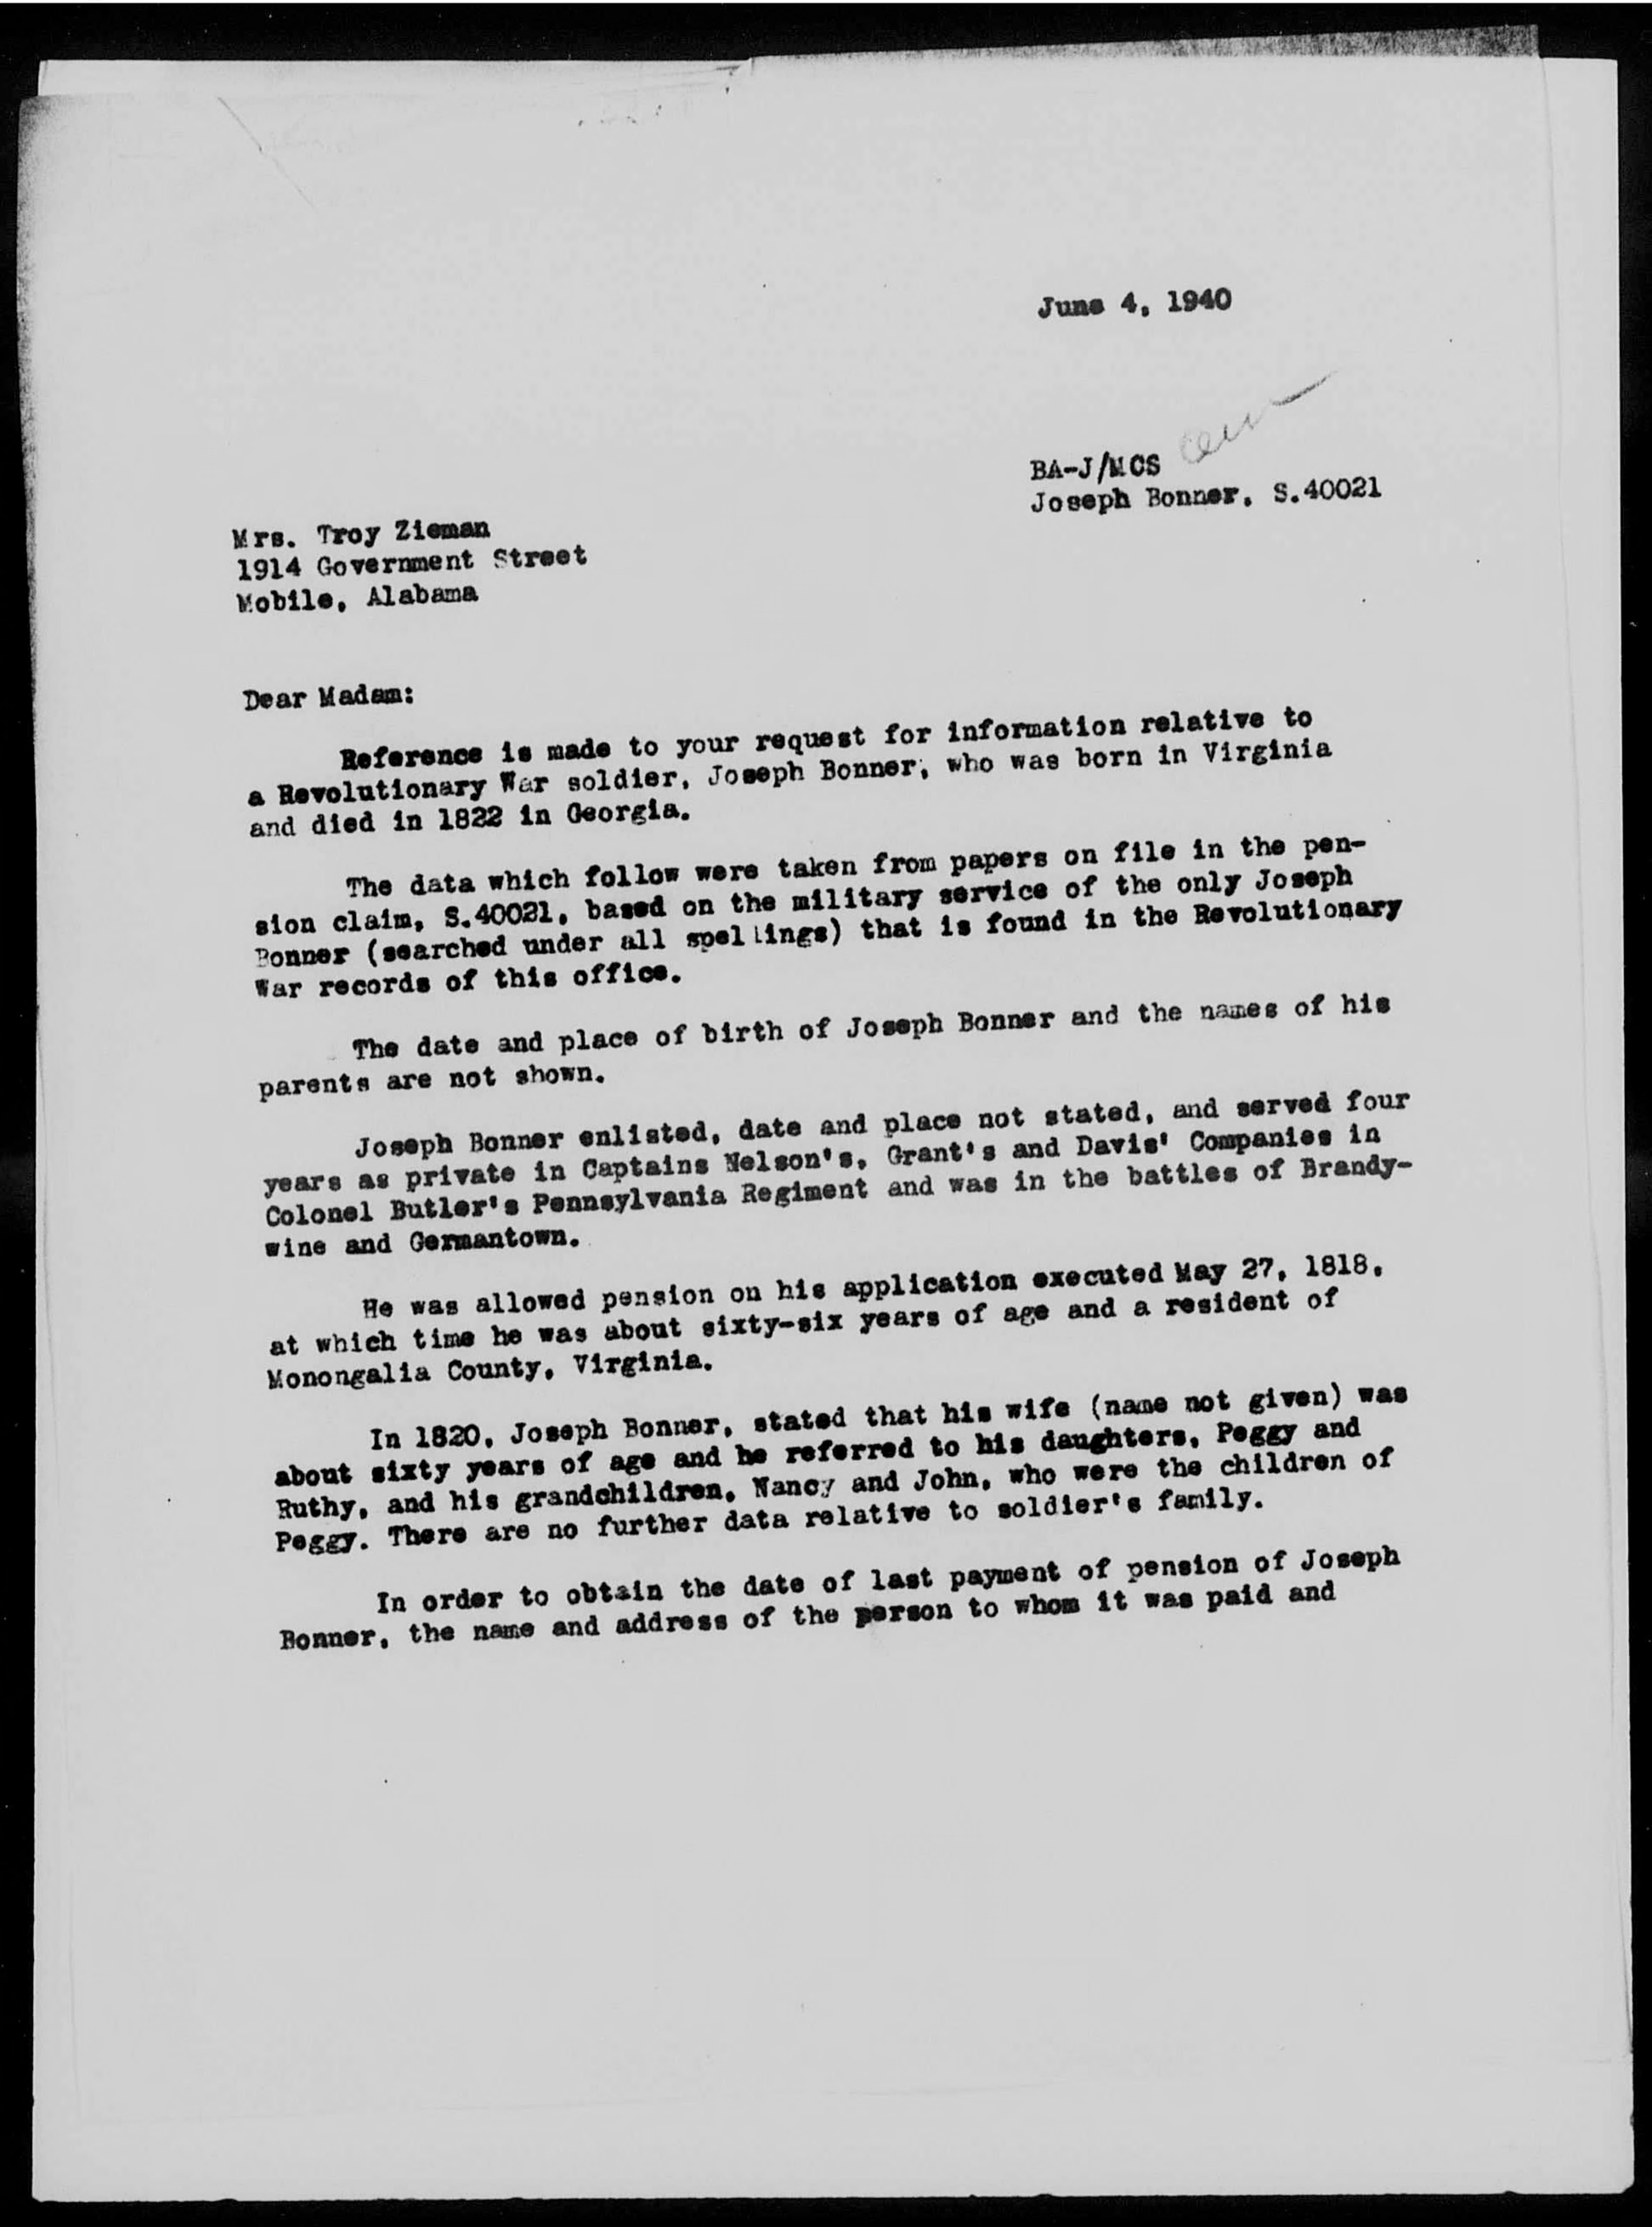June 4, 1940

Mrs. Troy Zieman
1914 Government Street
Mobile, Alabama

BA-J/MCS
Joseph Bonner, S.40021

Dear Madam:

Reference is made to your request for information relative to a Revolutionary War soldier, Joseph Bonner, who was born in Virginia
and died in 1822 in Georgia.

The data which follow were taken from papers on file in the pension claim, S.40021, based on the military service of the only Joseph
Bonner (searched under all spellings) that is found in the Revolutionary War
records of this office.

The date and place of birth of Joseph Bonner and the names of his parents are not shown.

Joseph Bonner enlisted, date and place not stated, and served four years as private in Captains Nelson's, Grant's and Davis' Companies in Colonel Butler's Pennsylvania Regiment and was in the battles of Brandywine
and Germantown.

He was allowed pension on his application executed May 27, 1818, at which time he was about sixty-six years of age and a resident of
Monongalia County, Virginia.

In 1820, Joseph Bonner, stated that his wife (name not given) was
about sixty years of age and he referred to his daughters, Peggy and
Ruthy, and his grandchildren, Nancy and John, who were the children of
Peggy. There are no further data relative to soldier's family.

In order to obtain the date of last payment of pension of Joseph Bonner, the name and address of the person to whom it was paid and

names: Joseph Bonner, Joseph Bonner, Ruthy, Joseph Bonner, Peggy, Troy Zieman, John, Joseph Bonner, Peggy, Joseph Bonner, Joseph Bonner, Nancy, Joseph Bonner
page: 19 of 20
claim: survivor's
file: S. 40,021, Joseph Bonner, Penn.